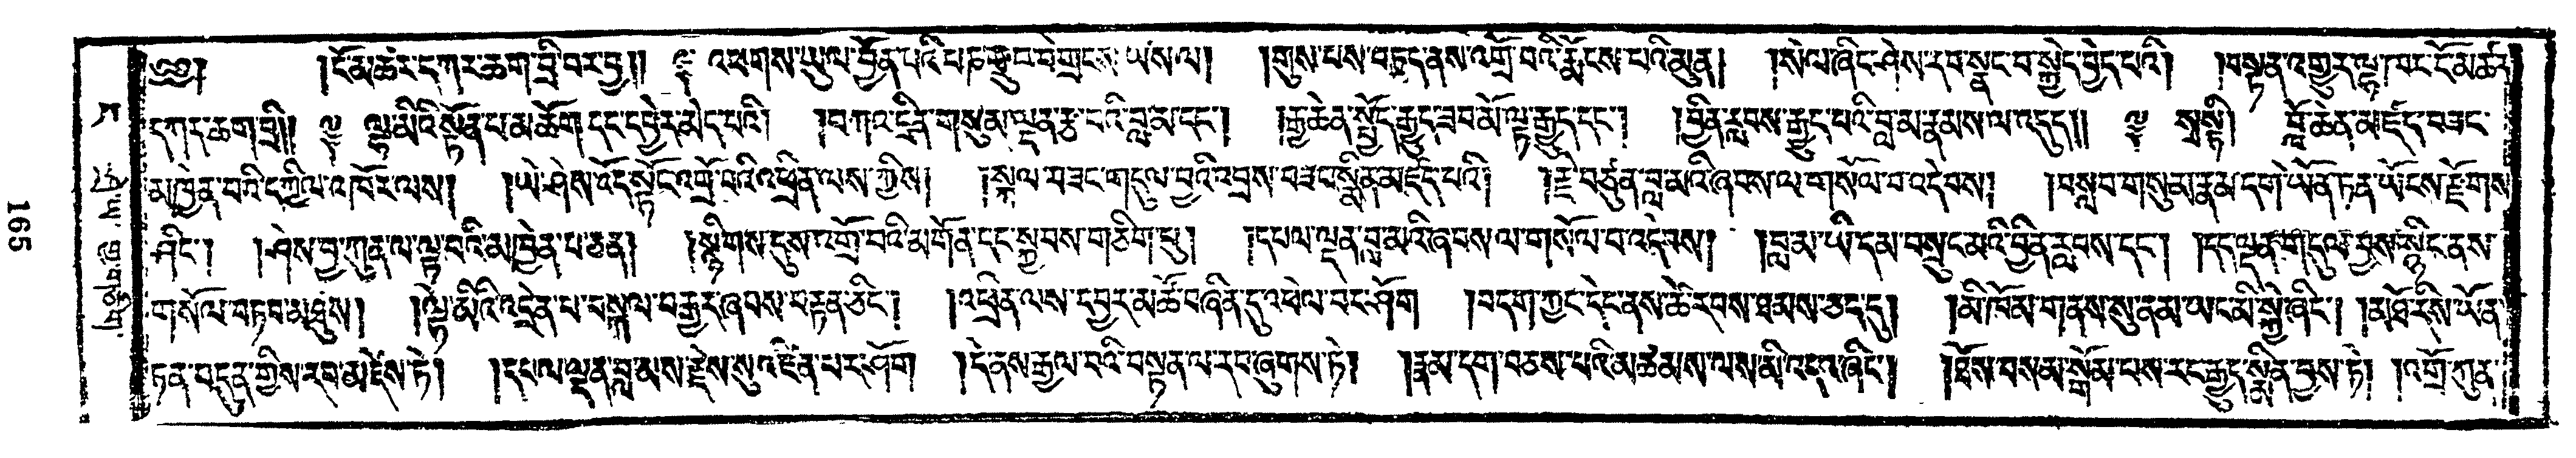༄༅། །ངོ་མཚར་དཀར་ཆག་བྲི་བར་བྱ།། ༈ འཕགས་ཡུལ་བྱོན་པའི་པཎ་གྲུབ་བགྲངས་ཡས་ལ། གུས་པས་བཏུད་ནས་འགྲོ་བའི་རྨོངས་པའི་མུན། །སེལ་ཞིང་ཤེས་རབ་སྣང་བ་སྐྱེད་བྱེད་པའི། །བསྟན་འགྱུར་ལྷ་ཁང་ངོ་མཚར་
དཀར་ཆག་བྲི།། ༈ ལྷ་མིའི་སྟོན་པ་མཆོག་དང་དབྱེར་མེད་པའི། །བཀའ་དྲིན་གསུམ་ལྡན་རྩ་བའི་བླ་མ་དང་། །རྒྱ་ཆེན་སྤྱོད་རྒྱུད་ཟབ་མོ་ལྟ་རྒྱུད་དང་། །བྱིན་རླབས་རྒྱུད་པའི་བླ་མ་རྣམས་ལ་འདུད།། ༈ སྭསྟི། །བློ་ཆེན་མཛད་བཟང་
མཁྱེན་པའི་དཀྱིལ་འཁོར་ལས། །ཡེ་ཤེས་འོད་སྟོང་འགྲོ་བའི་འཕྲིན་ལས་ཀྱིས། །སྐལ་བཟང་གདུལ་བྱའི་འབྲས་བཟང་སྨིན་མཛད་པའི། །རྗེ་བཙུན་བླ་མའི་ཞབས་ལ་གསོལ་བ་འདེབས། །བསླབ་གསུམ་རྣམ་དགེ་ཡོན་ཏན་ཡོངས་རྫོགས་
ཤིང་། །ཤེས་བྱ་ཀུན་ལ་ལྟ་བའི་མཁྱེན་པ་ཅན། །སྙིགས་དུས་འགྲོ་བའི་མགོན་དང་སྐྱབས་གཅིག་པུ། །དཔལ་ལྡན་བླ་མའི་ཞབས་ལ་གསོལ་བ་འདེབས། །བླ་མ་ཡི་དམ་བསྲུང་མའི་བྱིན་རླབས་དང་། །དད་ལྡན་གདུལ་བྱས་སྙིང་ནས་
གསོལ་བཏབ་མཐུས། །ལྟེ་མིའི་འདྲེན་པ་བསྐལ་བརྒྱད?་ཞབས་བརྟན་ཅིང་། །འཕྲིན་ལས་དབྱར་མཚོ་བཞིན་དུ་འཕེལ་བང?་ཤོག །བདག་ཀྱང་དེང་ནས་ཚེ་རབས་ཐམས་ཅད་དུ། །མི་ཁོམ་གནས་སུ་ནམ་ཡང་མི་སྐྱེ་ཞིང་། །མཐོ་རིས་ཡོན་
ཏན་བདུན་གྱིས་རབ་མཛེས་ཏེ། །དཔལ་ལྡན་བླ་མས་རྗེས་སུ་འཛིན་པར་ཤོག །དེ་ནས་རྒྱལ་བའི་བསྟན་ལ་རབ་ཞུགས་ཏེ། །རྣམ་དག་བཅས་པའི་མཚམས་ལས་མི་འདའ་ཞིང་། །ཐོས་བསམ་སྒོམ་པས་རང་རྒྱུད་སྨིན་བྱས་ཏེ། །འགྲོ་ཀུན་